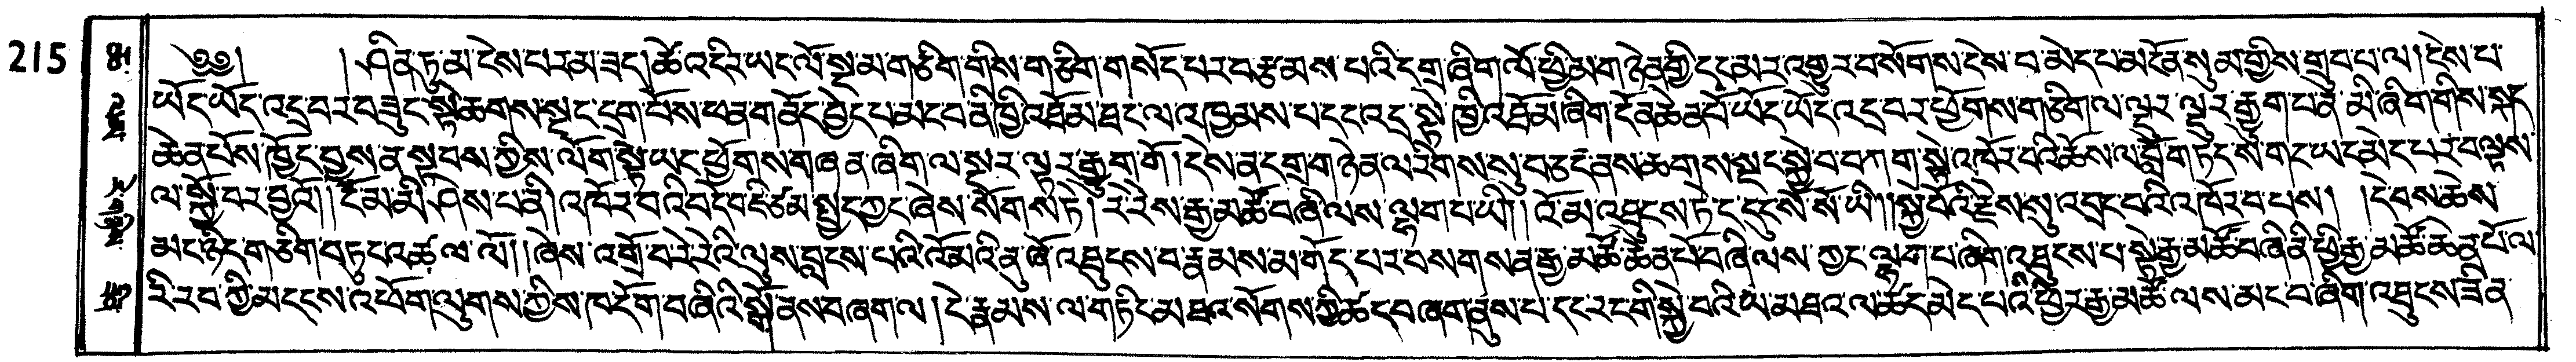༄༅། །ཤིན་ཏུ་མ་ངེས་པར་མ་ཟད། ཚེ་འདིར་ཡང་ལོ་སྔ་མ་གཅིག་གིས་གཅིག་གསོད་པར་བརྩམས་པའི་དགྲ་ཞིག་ལོ་ཕྱི་མ་གཉེན་གྱི་དྭང་མར་འགྱུར་བ་སོགས་ངེས་པ་མེད་པ་མངོན་སུམ་གྱིས་གྲུབ་པ་ལ། ངེས་པ་
ཡོད་ཡོད་འདྲ་བར་བཟུང་སྟེ་ཆགས་སྔང་དྲག་པོས་ཕན་གནོད་བྱེད་པ་མང་བ་ནི་ཁྱི་འཐོམ་ཐང་ལ་འཁྱམས་པ་དང་འདྲ་སྟེ་ཁྱི་འཐོམ་ཞིག་དོན་ཆེན་པོ་ཡོད་ཡོད་འདྲ་བར་ཕྱོགས་གཅིག་ལ་ལྡུར་ལྡུར་རྒྱུག་པ་ན་མི་ཞིག་གིས་སྐད་
ཆེན་པོས་ཁྱོད་བྱས་ན་སྟབས་ཀྱིས་ལོག་སྟེ་ཡང་ཕྱོགས་གཞན་ཞིག་ལ་སྔར་ལྟར་རྒྱུག་གོ །དེས་ན་དགྲ་གཉེན་ལ་རིགས་སུ་བཅད་ནས་ཆགས་སྡང་སྐྱེ་བ་བཀག་སྟེ་འཁོར་བའི་ཆོས་ལ་བློ་གཏད་ས་གང་ཡང་མེད་པར་བལྟས་
ལ་སྐྱོ་བར་བྱའོ། །ངོ་མ་མི་ཤེས་པ་ནི། འཁོར་བའི་བདེ་བ་ཇི་ཙམ་སྤྱད་ཀྱང་ཞེས་སོགས་ཏེ། རེ་རེས་རྒྱ་མཚོ་བཞི་ལས་ལྷག་པ་ཡི། །འོ་མ་འཐུངས་ཏེ་ད་དུང་སོ་སོ་ཡི། །སྐྱེ་བོའི་རྗེས་སུ་འབྲང་བའི་འཁོར་བ་པས། །དེ་བས་ཆེས་
མང་ཉིད་གཅིག་བཏུང་འཚལ་ལོ། །ཞེས་འགྲོ་བ་རེ་རེའི་ལུས་བླངས་པའི་འོ་མའི་ནུ་ཞོ་འཐུངས་བ་རྣམས་མ་གོད་པར་བསགས་ན་རྒྱ་མཚོ་ཆེན་པོ་བཞི་ལས་ཀྱང་ལྷག་པ་ཞིག་འཐུངས་པ་སྟེ་རྒྱ་མཚོ་བཞི་ནི་ཕྱི་རྒྱ་མཚོ་ཆེན་པོ་ལ་
རི་རབ་ཀྱི་མདངས་འཕོག་ལུགས་ཀྱིས་ཁ་དོག་བཞིའི་སྒོ་ནས་བཞག་ལ། དེ་རྣམས་ལ་གཏིང་མཐའ་སོགས་ཀྱི་ཚད་བཞག་ནུས་པ་དང་རང་གི་སྐྱེ་བའི་ཡ་མཐའ་ལ་ཚད་མེད་པའི་ཕྱིར་རྒྱ་མཚོ་ལས་མང་བ་ཞིག་འཐུངས་ཟིན་